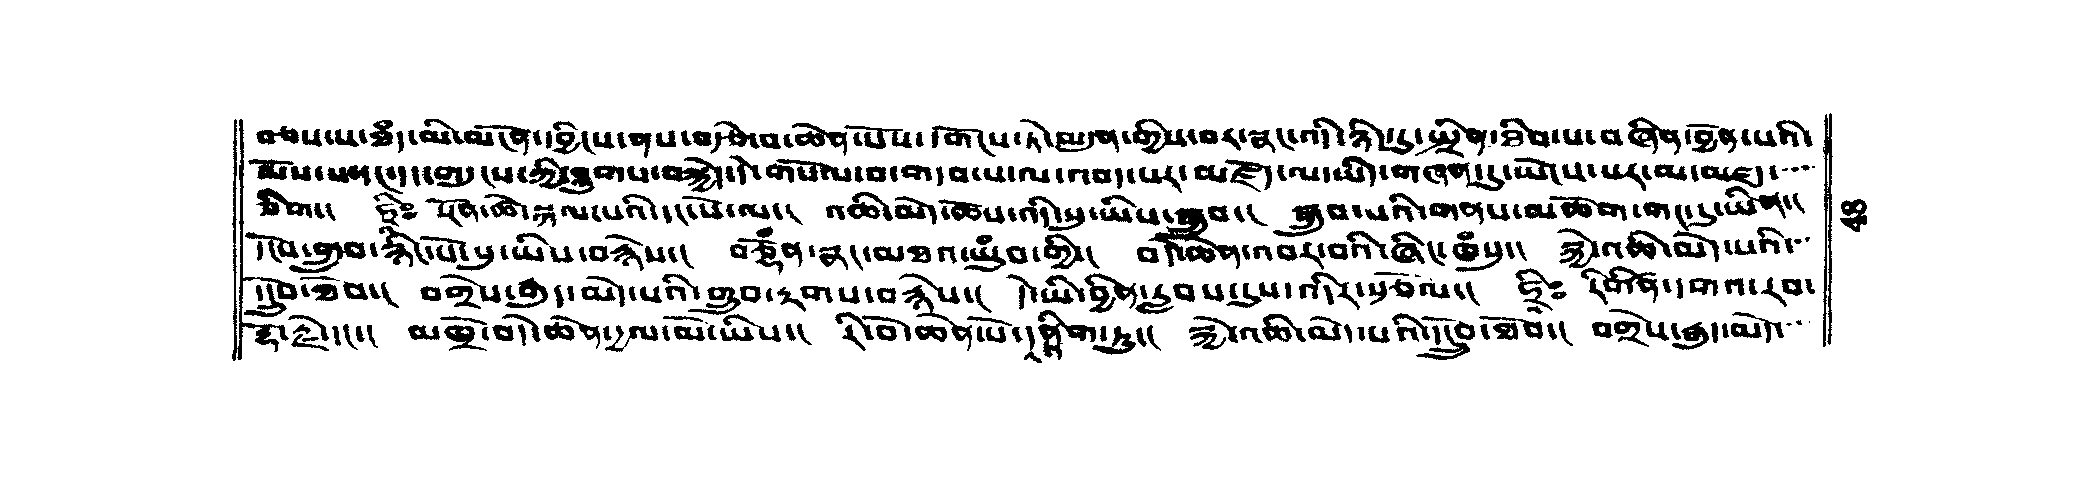བཅས་པ་ཐམས་ཅད་མི་མངོན་དབྱིངས་ནས་བརྩེ་བ་ཆེན་པོས་དགོངས་ཏེ་མདུན་གྱིས་བར་སྣང་འདི་ཉིད་དུ་སྤྲིན་ཐིབ་པ་བཞིན་བྱོན་པའི་
མོས་པ་དང་དད་གདུངས་ཀྱི་ཤུགས་བསྐྱེས་དེ་གསོལ་བ་གདབ་པ་ལ་འབད་པར་མཛོད་ལ་ཡིད་གཞན་དུ་ཡོངས་པར་མཛད་
ཅིག ཧྲཱིཿ སྔོན་ཚེ་སྐལ་པའི་དང་པོ་ལས། འཆི་མེད་ཆོས་འདི་སུ་ཡིས་སྒྲུབ། སྒྲུབ་པའི་གནས་མཆོག་གང་དུ་ཡིན། 
དངོས་གྲུབ་སྙིང་པོ་སུ་ཡིས་བརྙེས། བཅོམ་ལྡན་སྣང་མཐའ་ཡབ་ཡུམ་གྱི། བདེ་ཆེན་འབར་བའི་ཞིང་ཁམས་སུ། སྐྱེ་འཆི་མེད་པའི་
དངོས་གྲུབ་ཐོབ། བགྲེས་རྒུད་མེད་པའི་གྲུབ་རྟགས་བརྙེས། དེ་ཡི་བྱིན་རླབས་དུས་འདིར་སྩོལ། ཧྲཱིཿ རིག་འཛིན་དགའ་རབ་
རྡོ་རྗེ་དང་། མཁའ་འགྲོ་བདེ་ཆེན་རྒྱལ་མོ་ཡིས། རི་བོ་ཆེན་པོ་དཱནྟིག་ཏུ། སྐྱེ་འཆི་མེད་པའི་དངོས་གྲུབ་ཐོབ། བགྲེས་རྒུད་མེད་